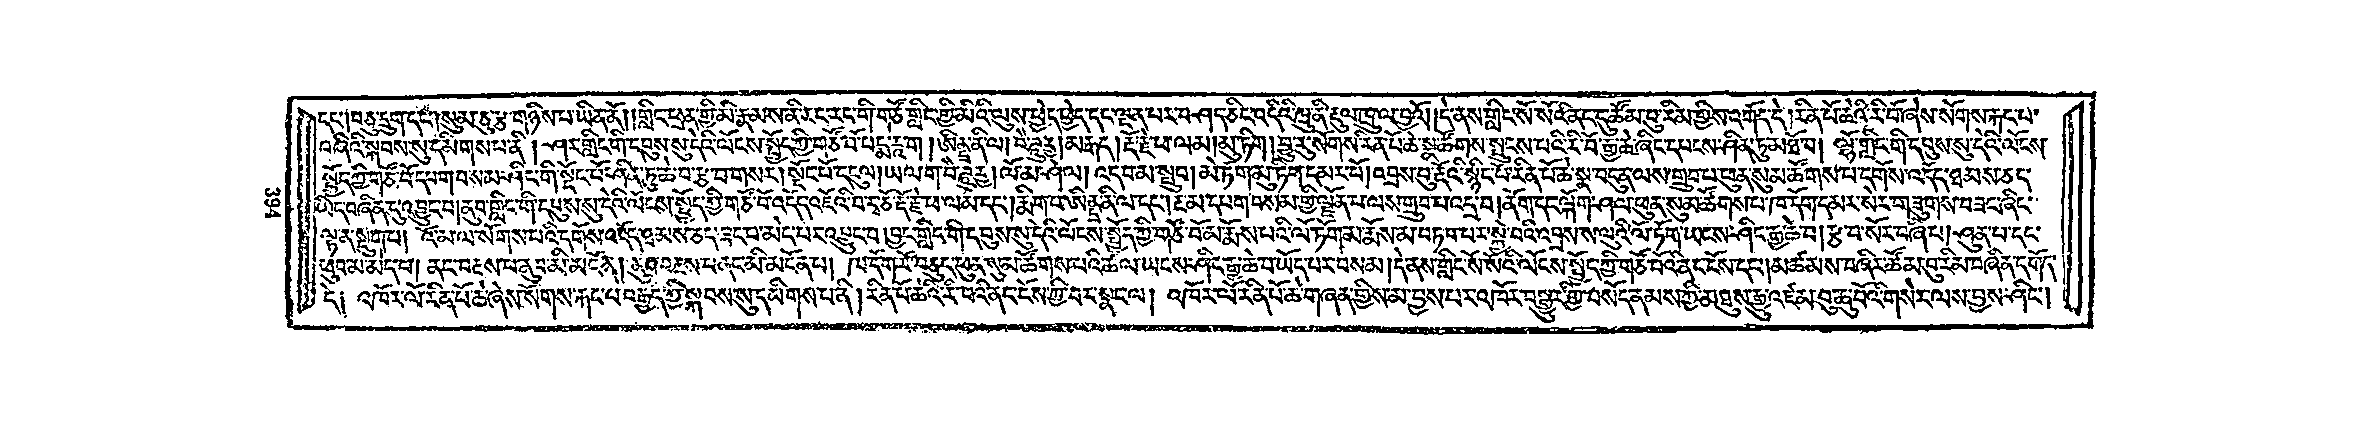དང་། བཅུ་དྲུག་དང་། སུམ་ཅུ་རྩ་གཉིས་པ་ཡིན་ནོ། །གླིང་ཕྲན་གྱི་མི་རྣམས་ནི་རང་རང་གི་གཙོ་གླིང་གྱི་མིའི་ལུས་ཕྱེད་ཕྱེད་དང་ལྡན་པར་བཤད་ཅིང་འདིའི་ཁྲུ་ནི་རྡུལ་ཁྲུ་ལ་བྱའོ། །དེ་ནས་གླིང་སོ་སོའི་ནང་དུ་ཚོམ་བུ་རིམ་གྱིས་འགོད་དེ། རིན་པོ་ཆེའི་རི་བོ་ཞེས་སོགས་རྐང་པ་
བཞིའི་སྐབས་སུ་དམིགས་པ་ནི། ཤར་གླིང་གི་དབུས་སུ་དེའི་ལོངས་སྤྱོད་ཀྱི་གཙོ་བོ་པདམ་རཱ་ག །ཨིནྡྲ་ནི་ལ། བཻཌཱུརྱ། མ་རྒད། རྡོ་རྗེ་ཕ་ལམ། མུ་ཏིག །བྱུ་རུ་སོགས་རིན་པོ་ཆེ་སྣ་ཚོགས་སྤུངས་པའི་རི་བོ་རྒྱ་ཆེ་ཞིང་དཔངས་ཤིན་ཏུ་མཐོ་བ། ལྷོ་གླིང་གི་དབུས་སུ་དེའི་ལོངས་
སྤྱོད་ཀྱི་གཙོ་བོ་དཔག་བསམ་ཤིང་གི་སྡོང་པོ་ཤིན་ཏུ་ཆེ་བ་རྩ་བ་གསར། སྡོང་པོ་དངུལ། ཡལ་ག་བཻཌཱུརྱ། ལོ་མ་ཤེལ། འདབ་མ་སྤུབ། མེ་ཏོག་མུ་ཏིག་དམར་པོ། འབྲས་བུ་རྡོའི་སྙིང་པོ་རིན་པོ་ཆེ་སྣ་བདུན་ལས་གྲུབ་པ་ཕུན་སུམ་ཚོགས་པ་དགོས་འདོད་ཐམས་ཅད་
ཡིད་བཞིན་དུ་འབྱུང་བ། ནུབ་གླིང་གི་དཔུས་སུ་དེའི་ལོངས་སྤྱོད་ཀྱི་གཙོ་བོ་འདོད་འཇོའི་བ་རྭ་ཅོ་རྡོ་རྗེ་ཕ་ལམ་དང་། རྨིག་པ་ཨིནྡྲ་ནི་ལ་དང་། རྔ་མ་དཔག་བསམ་གྱི་ལྗོན་པ་ལས་གྲུབ་པ་འདྲ་བ། ནོག་དང་ལྐོག་ཤལ་ཕུན་སུམ་ཚོགས་པ་ཁ་དོག་དམར་སེར་གཟུགས་བཟང་ཞིང་
ལྟ་ན་སྡུག་པ། འོ་མ་ལ་སོགས་པའི་དགོས་འདོད་ཐམས་ཅད་ཟད་པ་མེད་པར་འབྱུང་བ། བྱང་གླིང་གི་དབུས་སུ་དེའི་ལོངས་སྤྱོད་ཀྱི་གཙོ་བོ་མ་རྨོས་པའི་ལོ་ཏོག་མ་རྨོས་མ་བཏབ་པར་སྐྱེ་བའི་འབྲས་ས་ལུའི་ལོ་ཏོག་ཡངས་ཤིང་རྒྱ་ཆེ་བ། རྩ་བ་སོར་བཞི་པ། ཤུན་པ་དང་
ཕུབ་མ་མེད་པ། ནང་བརྔས་པ་ནུབ་མི་མངོན། ནུབ་བརྔས་པ་ནང་མི་མངོན་པ། ཁ་དོག་རོ་བཅུད་ཕུན་སུམ་ཚོགས་པའི་ཚལ་ཡངས་ཤིང་རྒྱ་ཆེ་བ་ཡོད་པར་བསམ། དེ་ནས་གླིང་སོ་སོའི་ལོངས་སྤྱོད་ཀྱི་གཙོ་བོའི་ནང་ངོས་དང་། མཚམས་བཞིར་ཚོམ་བུ་རིམ་བཞིན་དགོད་
དེ། འཁོར་ལོ་རིན་པོ་ཆེ་ཞེས་སོགས་རྐང་པ་བརྒྱད་ཀྱི་སྐབས་སུ་དམིགས་པ་ནི། རིན་པོ་ཆེའི་རི་བའི་ནང་ངོས་ཀྱི་བར་སྣང་ལ། འཁོར་ལོ་རིན་པོ་ཆེ་གཞན་གྱིས་མ་བྱས་པར་འཁོར་བསྒྱུར་གྱི་བསོད་ནམས་ཀྱི་མཐུས་རྒྱུ་འཛམ་བུ་ཆུ་བོའི་གསེར་ལས་བྱས་ཤིང་།